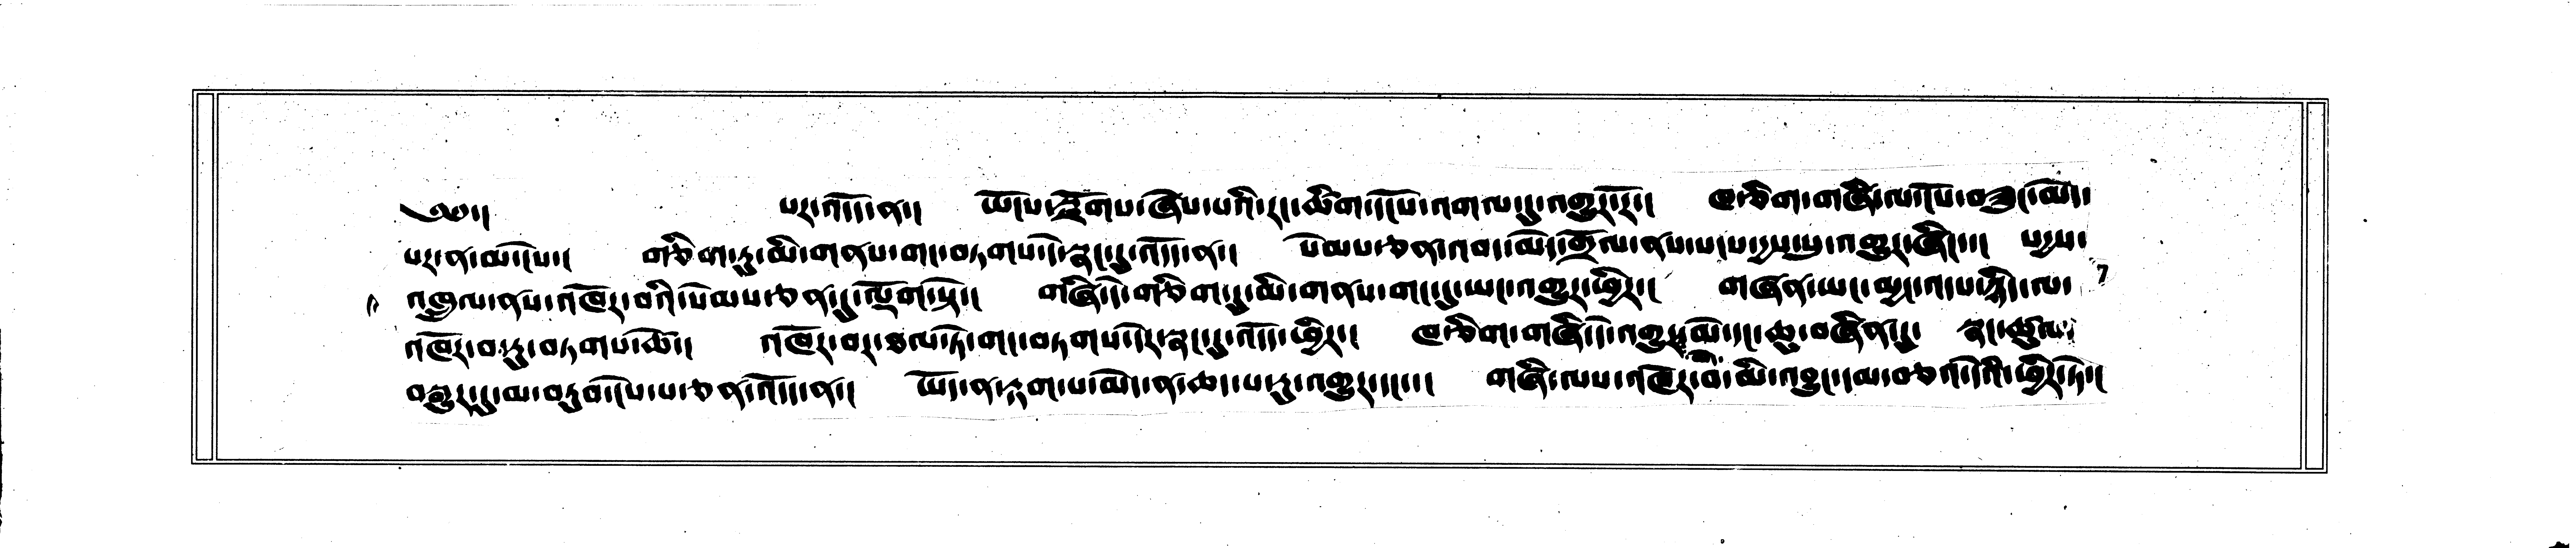པར་འདོད་ན། ཡོངས་རྫོགས་ཞེས་པའི་རང་ཚིག་དངོས་འགལ་ལ་འགྱུར་རོ། །ཁ་ཅིག་གཞི་ལ་ངོས་བཟུང་མེད་
པར་ན་མ་ངེས། །གཅིག་ཏུ་མི་གནས་གང་བཏགས་དེ་སྣང་དུ་འདོད་ན། །སེམས་ཅན་འབད་མེད་གྲོལ་ཞིང་སངས་རྒྱས་སུ་འགྱུར་ཞིང་། །སངས་རྒྱས་
འཁྲུལ་ནས་འཁོར་བའི་སེམས་ཅན་དུ་ལྡོག་སྟེ། །གཞི་དེ་གཅིག་ཏུ་མི་གནས་གང་དུའང་འགྱུར་ཕྱིར། །གཞན་ཡང་མྱང་འདས་ཉིད་ལ་
འཁོར་བ་རུ་བཏགས་ཚེ། །འཁོར་བར་ཐལ་ཏེ་གང་བཏགས་དེ་སྣང་དུ་འདོད་ཕྱིར། །ཁ་ཅིག་གཞི་དེ་འགྱུར་མེད་མེ་དང་ཆུ་བཞིན་དུ། །སྣང་ཚུལ་
བསྒྱུར་དུ་མི་བཏུབ་ངེས་པ་ཅན་འདོད་ན། །ཡོད་ན་རྟག་པ་མེད་ན་ཆད་པ་རུ་འགྱུར་དང་། །གཞི་ལས་འཁོར་བ་མི་འབྱུང་དམ་བཅའ་དེའི་ཕྱིར་ཏེ། །